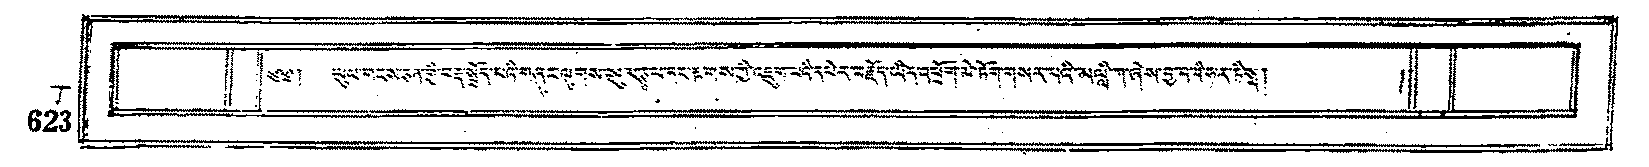༄༅། །ཡུལ་གངས་ཅན་གྱི་བརྡ་སྤྲོད་པའི་གཞུང་ལུགས་སུམ་ཅུ་པ་དང་རྟགས་ཀྱི་འཇུག་པའི་དཔེར་བརྗོད་ཡིད་འཕྲོག་མེ་ཏོག་གསར་པའི་མལླི་ཀ་ཞེས་བྱ་བ་ཧ་ར་ཏི་སྨ། །